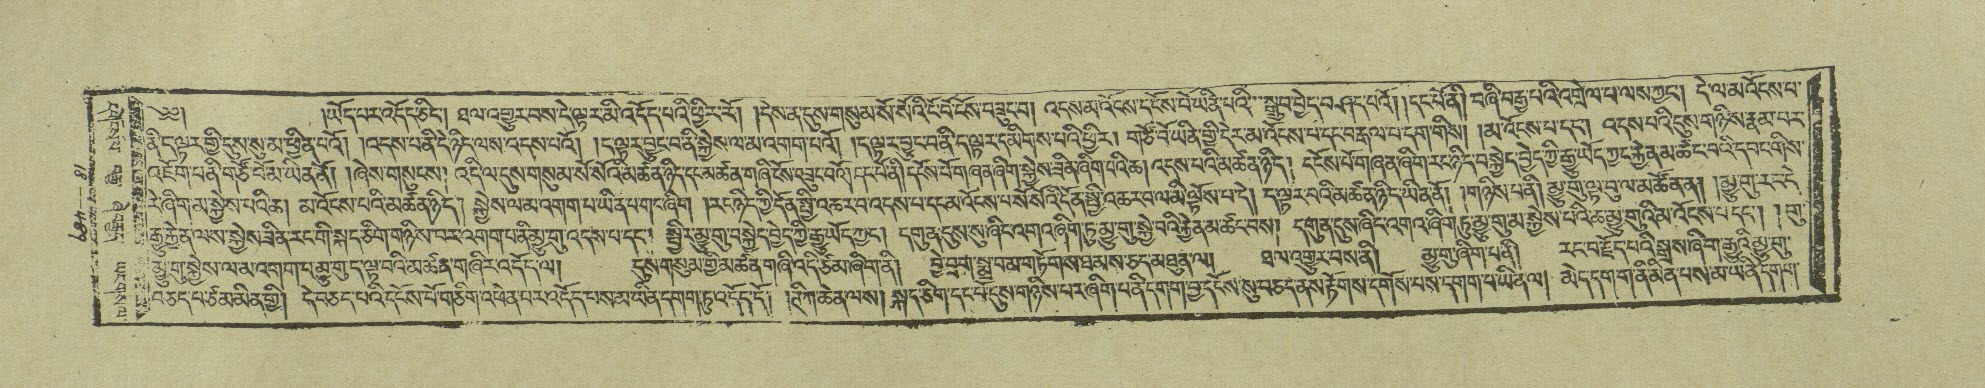༄༅། །ཡོད་པར་འདོད་ཅིང་། ཐལ་འགྱུར་བས་དེ་ལྟར་མི་འདོད་པའི་ཕྱིར་རོ། །དེས་ན་དུས་གསུམ་སོ་སོའི་ངོ་བོ་ངོས་བཟུང་བ། འདས་མ་འོངས་དངོས་པོ་ཡིན་པའི་སྒྲུབ་བྱེད་བཤད་པའོ། །དང་པོ་ནི། བཞི་བརྒྱ་བའི་འགྲེལ་བ་ལས་ཀྱང་། དེ་ལ་མ་འོངས་པ་
ནི་ད་ལྟར་གྱི་དུས་སུ་མ་ཕྱིན་པའོ། །འདས་པ་ནི་དེ་ཉིད་ལས་འདས་པའོ། །ད་ལྟར་བྱུང་བ་ནི་སྐྱེས་ལ་མ་འགག་པའོ། །ད་ལྟར་བྱུང་བ་ནི་ད་ལྟར་དམིགས་པའི་ཕྱིར། གཙོ་བོ་ཡིན་གྱི་དེར་མ་འོངས་བ་དང་བརྒལ་བ་དག་གིས། །མ་འོངས་པ་དང་། འདས་པའི་དུས་གཉིས་རྣམ་པར་
འཇོག་པ་ནི་གཙོ་བོ་མ་ཡིན་ནོ། །ཞེས་གསུངས། འདི་ལ་དུས་གསུམ་སོ་སོའི་མཚན་ཉིད་དང་མཚན་གཞི་ངོས་བཟུང་བའོ། །དང་པོ་ནི། དངོས་པོ་གཞན་ཞིག་སྐྱེས་ཟིན་ཞིག་པའི་ཆ། འདས་པའི་མཚན་ཉིད། དངོས་པོ་གཞན་ཞིག་རང་ཉིད་བསྐྱེད་བྱེད་ཀྱི་རྒྱུ་ཡོད་ཀྱང་རྐྱེན་མ་ཚང་བའི་དབང་གིས་
རེ་ཞིག་མ་སྐྱེས་པའི་ཆ། མ་འོངས་པའི་མཚན་ཉིད། སྐྱེས་ལ་མ་འགག་པ་ཡིན་པ་གང་ཞིག །རང་ཉིད་ཀྱི་དོན་སྤྱི་འཆར་བ་འདས་པ་དང་མ་འོངས་པ་སོ་སོའི་དོན་སྤྱི་འཆར་བ་ལ་མི་ལྟོས་པ་དེ། ད་ལྟར་བའི་མཚན་ཉིད་ཡིན་ནོ། །གཉིས་པ་ནི། མྱུ་གུ་ལྟ་བུ་ལ་མཚོན་ན། །མྱུ་གུ་རང་དེ་
རྒྱུ་རྐྱེན་ལས་སྐྱེས་ཟིན་རང་གི་སྐད་ཅིག་གཉིས་པར་འགག་པ་ནི་མྱུ་གུ་འདས་པ་དང་། སྤྱིར་མྱུ་གུ་བསྐྱེད་བྱེད་ཀྱི་རྒྱུ་ཡོད་ཀྱང་། དགུན་དུས་སུ་ཞིང་འགའ་ཞིག་ཏུ་མྱུ་གུ་སྐྱེ་བའི་རྐྱེན་མ་ཚང་བས། དགུན་དུས་ཞིང་འགའ་ཞིག་ཏུ་མྱུ་གུ་མ་སྐྱེས་པའི་ཆ་མྱུ་གུའི་མ་འོངས་པ་དང་། །གུ་
མྱུ་གུ་སྐྱེས་ལ་མ་འགག་པ་མྱུ་གུ་ད་ལྟ་བའི་མཚན་གཞིར་འདོད་ལ། དུས་གསུམ་གྱི་མཚན་གཞི་འདི་ཙམ་ཞིག་ནི། བྱེ་བྲག་སྨྲ་བ་མ་གཏོགས་ཐམས་ཅད་མཐུན་ལ། ཐལ་འགྱུར་བས་ནི། མྱུ་གུ་ཞིག་པ་ནི། རང་བརྗོད་པའི་སྒྲས་ཞིག་རྒྱུའི་མྱུ་གུ་
བཅད་པ་ཙམ་མིན་གྱི། དེ་བཅད་པའི་དངོས་པོ་གཅིག་འཕེན་པར་འདོད་པས་མ་ཡིན་དགག་ཏུ་འདོད་དོ། །ཊིཀ་ཆེན་ལས། སྐད་ཅིག་དང་པོ་དུས་གཉིས་པར་ཞིག་པ་ནི་དགག་བྱ་དངོས་སུ་བཅད་ནས་རྟོགས་དགོས་པས་དགག་པ་ཡིན་ལ། མེད་དགག་ནི་མིན་པས་མ་ཡིན་དགག་